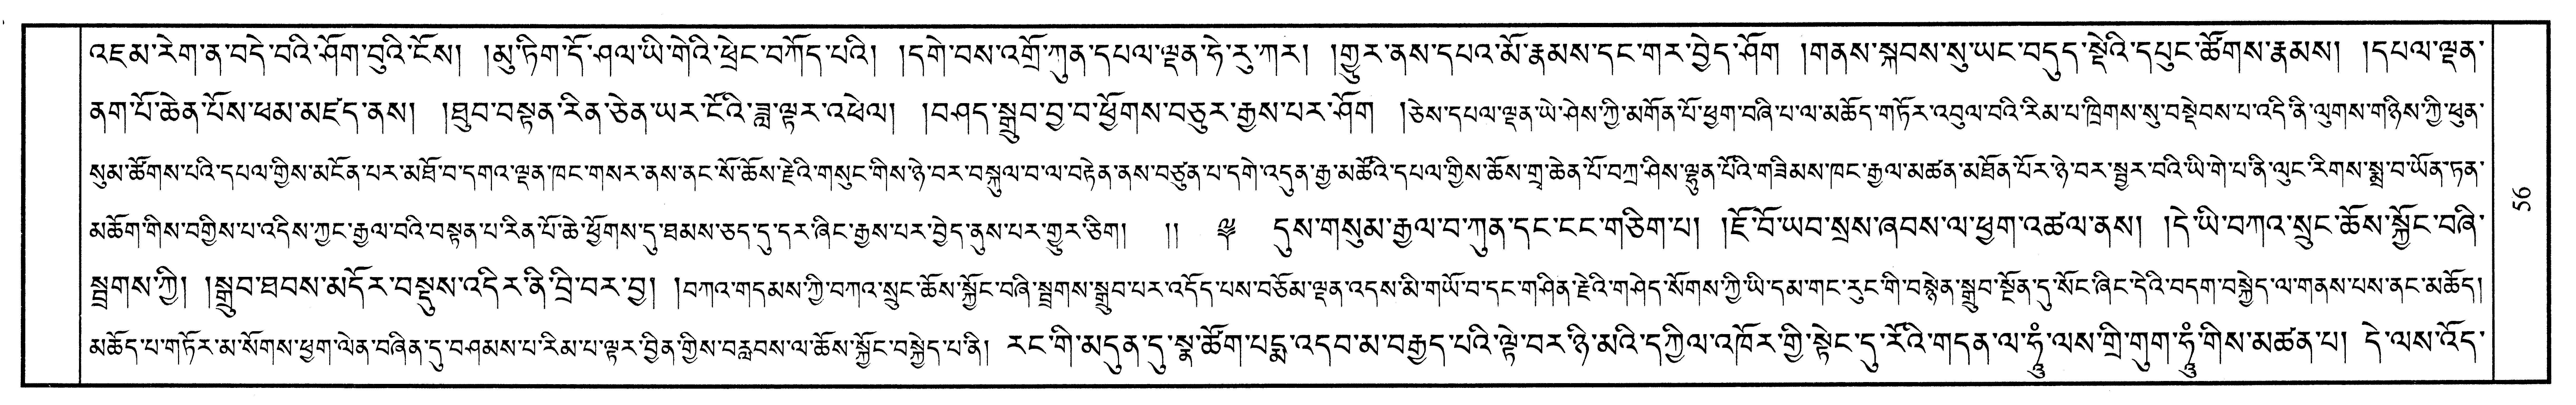འཇམ་རེག་ན་བདེ་བའི་ཤོག་བུའི་ངོས། །མུ་ཏིག་དོ་ཤལ་ཡི་གེའི་ཕྲེང་བཀོད་པའི། །དགེ་བས་འགྲོ་ཀུན་དཔལ་ལྡན་ཧེ་རུ་ཀར། །གྱུར་ནས་དཔའ་མོ་རྣམས་དང་གར་བྱེད་ཤོག །གནས་སྐབས་སུ་ཡང་བདུད་སྡེའི་དཔུང་ཚོགས་རྣམས། །དཔལ་ལྡན་
ནག་པོ་ཆེན་པོས་ཕམ་མཛད་ནས། །ཐུབ་བསྟན་རིན་ཅེན་ཡར་ངོའི་ཟླ་ལྟར་འཕེལ། །བཤད་སྒྲུབ་བྱ་བ་ཕྱོགས་བཅུར་རྒྱས་པར་ཤོག །ཅེས་དཔལ་ལྡན་ཡེ་ཤེས་ཀྱི་མགོན་པོ་ཕྱག་བཞི་པ་ལ་མཆོད་གཏོར་འབུལ་བའི་རིམ་པ་ཁྲིགས་སུ་བསྡེབས་པ་འདི་ནི་ལུགས་གཉིས་ཀྱི་ཕུན་
སུམ་ཚོགས་པའི་དཔལ་གྱིས་མངོན་པར་མཐོ་བ་དགའ་ལྡན་ཁང་གསར་ནས་ནང་སོ་ཆོས་རྗེའི་གསུང་གིས་ཉེ་བར་བསྐུལ་བ་ལ་བརྟེན་ནས་བཙུན་པ་དགེ་འདུན་རྒྱ་མཚོའི་དཔལ་གྱིས་ཆོས་གྲྭ་ཆེན་པོ་བཀྲ་ཤིས་ལྷུན་པོའི་གཟིམས་ཁང་རྒྱལ་མཚན་མཐོན་པོར་ཉེ་བར་སྦྱར་བའི་ཡི་གེ་པ་ནི་ལུང་རིགས་སྨྲ་བ་ཡོན་ཏན་
མཆོག་གིས་བགྱིས་པ་འདིས་ཀྱང་རྒྱལ་བའི་བསྟན་པ་རིན་པོ་ཆེ་ཕྱོགས་དུ་ཐམས་ཅད་དུ་དར་ཞིང་རྒྱས་པར་བྱེད་ནུས་པར་གྱུར་ཅིག། །། ༈ དུས་གསུམ་རྒྱལ་བ་ཀུན་དང་ངང་གཅིག་པ། །ཇོ་བོ་ཡབ་སྲས་ཞབས་ལ་ཕྱག་འཚལ་ནས། །དེ་ཡི་བཀའ་སྲུང་ཆོས་སྐྱོང་བཞི་
སྦྲགས་ཀྱི། །སྒྲུབ་ཐབས་མདོར་བསྡུས་འདིར་ནི་བྲི་བར་བྱ། །བཀའ་གདམས་ཀྱི་བཀའ་སྲུང་ཆོས་སྐྱོང་བཞི་སྦྲགས་སྒྲུབ་པར་འདོད་པས་བཅོམ་ལྡན་འདས་མི་གཡོ་བ་དང་གཤིན་རྗེའི་གཤེད་སོགས་ཀྱི་ཡི་དམ་གང་རུང་གི་བསྙེན་སྒྲུབ་སྔོན་དུ་སོང་ཞིང་དེའི་བདག་བསྐྱེད་ལ་གནས་པས་ནང་མཆོད།
མཆོད་པ་གཏོར་མ་སོགས་ཕྱག་ལེན་བཞིན་དུ་བཤམས་པ་རིམ་པ་ལྟར་བྱིན་གྱིས་བརླབས་ལ་ཆོས་སྐྱོང་བསྐྱེད་པ་ནི། རང་གི་མདུན་དུ་སྣ་ཚོགས་པདམ་འདབ་མ་བརྒྱད་པའི་ལྟེ་བར་ཉི་མའི་དཀྱིལ་འཁོར་གྱི་སྟེང་དུ་རོའི་གདན་ལ་ཧཱུཾ་ལས་གྲི་གུག་ཧཱུཾ་གྱིས་མཚན་པ། དེ་ལས་འོད་